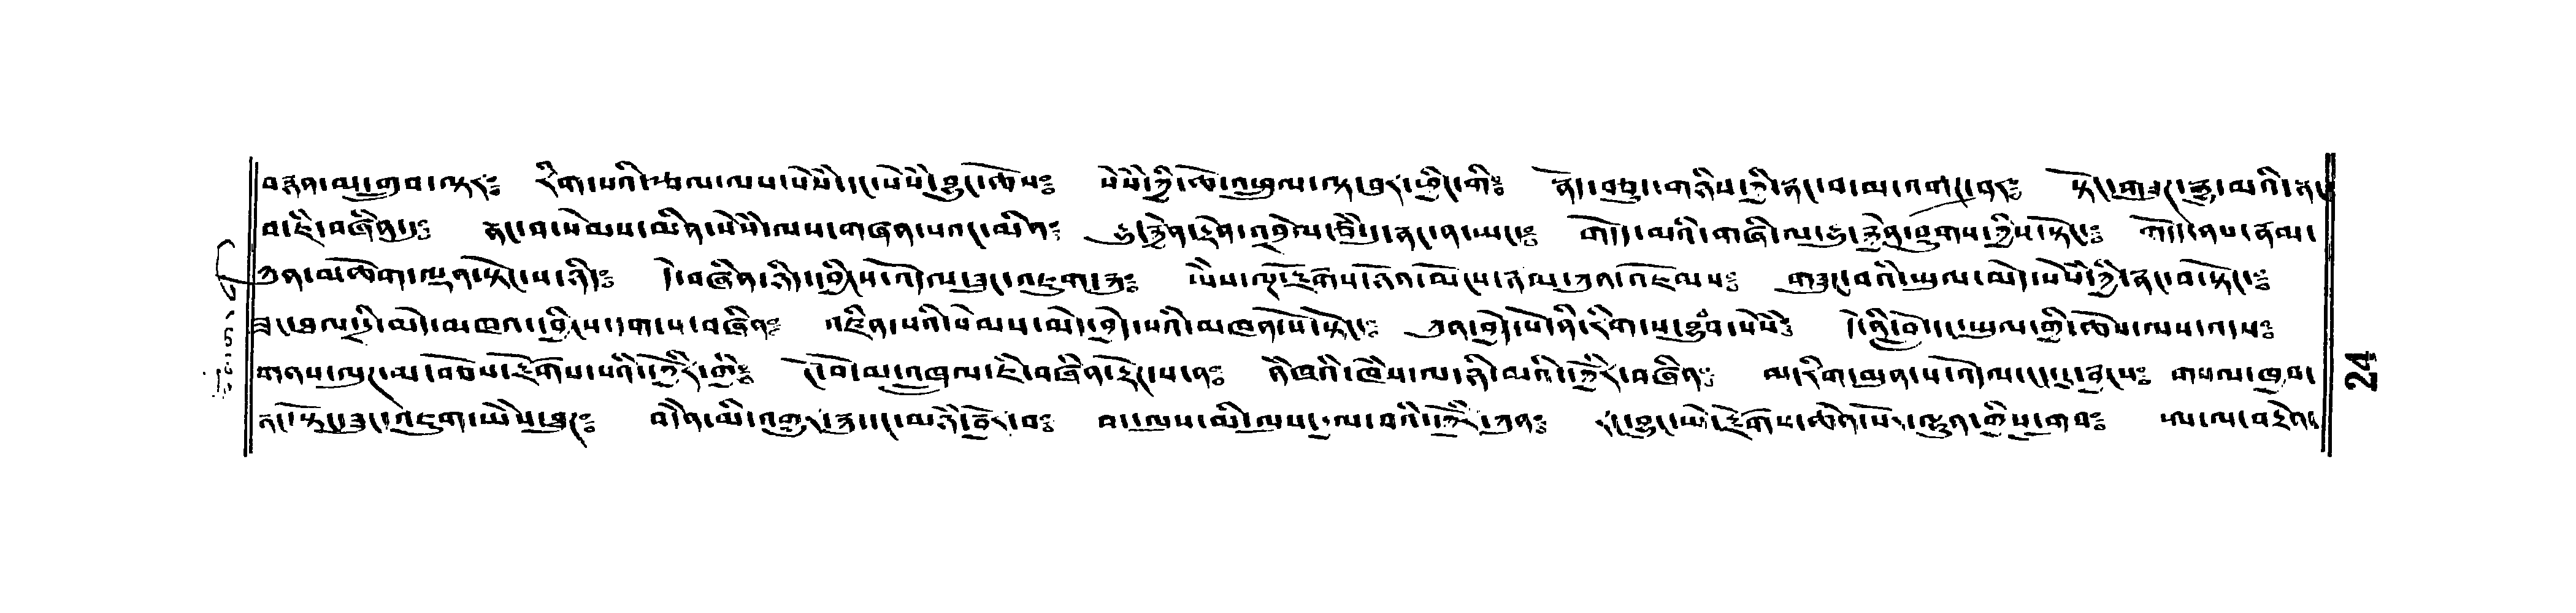བརྙན་མ་གྲུབ་ལྟར༔ རིག་པའི་རྩལ་ལས་སེམས་དངསེམས་བྱུང་ཆོས༔ སེམས་ཀྱི་ཆོ་འཕྲུལ་ལྟ་བུར་ཕྱི་ནང་གི༔ སྣོད་བཅུད་གཉིས་ཀྱི་སྣང་བ་མ་འགགས་ཤར༔ སྟོང་གཟུགས་སྒྱུ་མའི་སྣང་
བ་ཇི་བཞིན་དུ༔ སྣང་བ་སེམས་མིན་སེམས་ལས་གཞན་པའང་མིན༔ རྒྱུ་རྐྱེན་རྟེན་འབྲེལ་ཙམ་དུ་སྣང་ན་ཡང༔ གདོད་མའི་གཞི་ལས་རྒྱུ་རྐྱེན་ཤུགས་ཀྱིས་སྟོང༔ གདོད་ནས་རྣམ་
ཀུན་མཆོག་ལྡན་སྟོང་པ་ཉིད༔ དེ་བཞིན་ཉིད་དབྱིངས་འོད་གསལ་ཟུང་འཇུག་སྐུ༔ ཡེ་ཤེས་ལྔ་རྫོགས་ཉོན་མོངས་རྣམ་ཀུན་འཇོམས༔ གཟུང་བའི་ཡུལ་མེད་སེམས་ཀྱི་སྣང་བ་སྟོང༔ 
ཟང་ཐལ་དྲི་མེད་མཁའ་དབྱིངས་དག་པ་བཞིན༔ འཛིན་པའི་སེམས་མེད་བྱེད་པའི་མཁན་པོ་སྟོང༔ ཀུན་བྱེད་པོ་ནི་རིག་པ་བྱང་ཆུབ་སེམས༔ དེ་ནི་བློ་དང་ཡུལ་གྱི་ཆོས་ལས་འདས༔
 གནས་ལུགས་མ་བཅོས་རྫོགས་པའི་དཀྱིལ་འཁོར་གྱི༔ ངོ་བོ་མ་འཁྲུལ་ཇི་བཞིན་རྟོགས་པ་ན༔ ནམ་མཁའི་ཁམས་ལ་ཉི་མའི་དཀྱིལ་འཁོར་བཞིན༔ མ་རིག་མུན་པ་འོད་གསལ་ངང་དུ་སྦྱངས༔ གསལ་ཁྱབ་
སྣང་སྟོང་ཟུང་འཇུག་ཡེ་ཤེས་ཐུགས༔ བདེ་ཆེན་མི་འགྱུར་སྐུ་དང་མཉམ་སྦྱོར་བ༔ མ་ལུས་མི་ལུས་རྒྱལ་བའི་དཀྱིལ་འཁོར་ཀུན༔རང་བྱུང་ཡེ་རྫོགས་ཆེན་པོར་ལྷུན་གྱིས་གྲུབ༔ ཨ་ལ་བརྟེན་